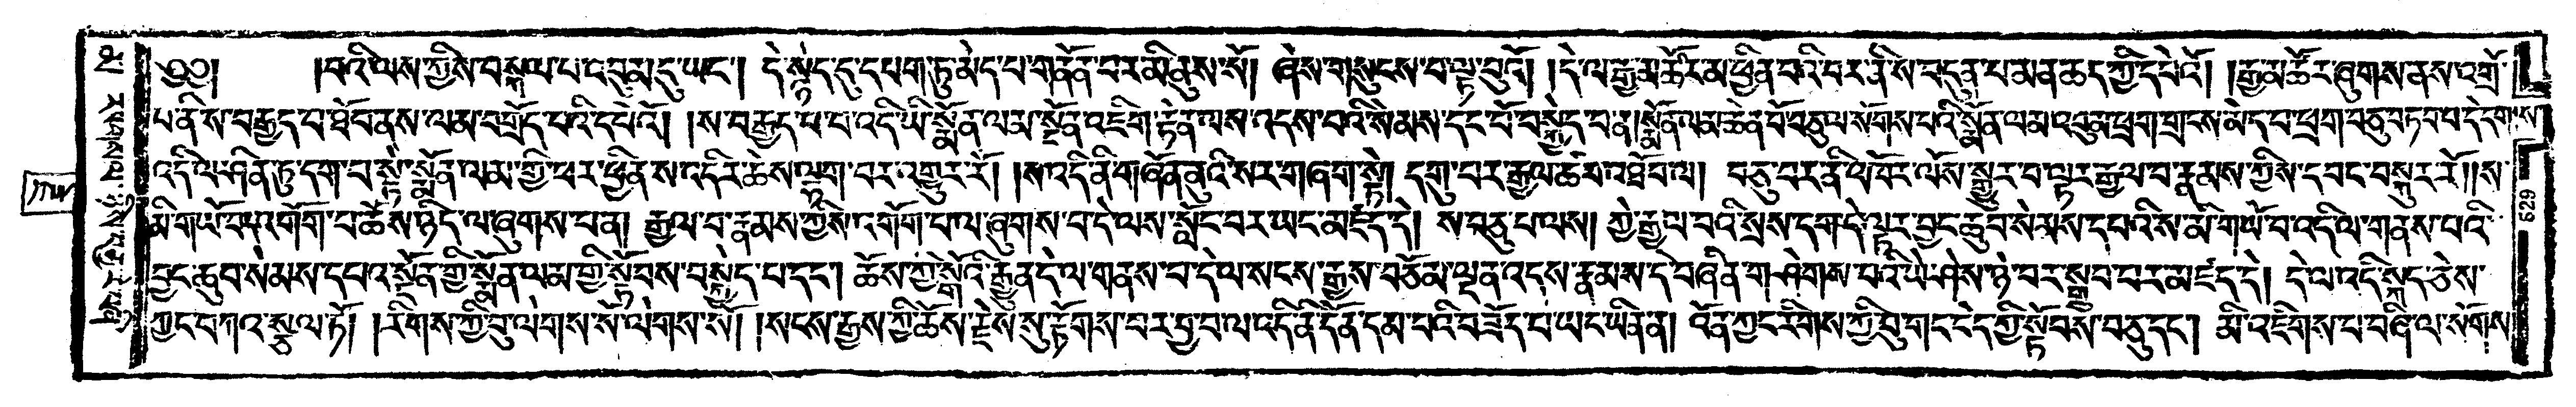༄༅། །བའི་ལས་ཀྱིས་བསྐལ་པ་འབུམ་དུ་ཡང་། དེ་སྙེད་དུ་དཔག་ཏུ་མེད་པ་གནོན་པར་མི་ནུས་སོ། ཞེས་གསུངས་པ་ལྟ་བུའོ། །དེ་ལ་རྒྱ་མཚོར་མ་ཕྱིན་པའི་བར་ནི་ས་བདུན་པ་མན་ཆད་ཀྱི་དཔེའོ། །རྒྱ་མཚོར་ཞུགས་ནས་འགྲོ་
བ་ནི་ས་བརྒྱད་པ་ཐོབ་ནས་ལམ་བགྲོད་པའི་དཔེའོ། །ས་བརྒྱད་པ་བ་འདི་ཡི་སྨོན་ལམ་སྔོན་འཇིག་རྟེན་ལས་འདས་པའི་སེམས་དང་པོ་བསྐྱེད་པ་ན། སྨོན་ལམ་ཆེན་པོ་བཅུ་ལ་སོགས་པའི་སྨོན་ལམ་འབུམ་ཕྲག་གྲངས་མེད་པ་ཕྲག་བཅུ་བཏབ་པ་དེ་དག །ས་
འདི་ལ་ཤིན་ཏུ་དག་པ་སྟེ་སྨོན་ལམ་གྱི་ཕར་ཕྱིན་ས་འདིར་ཆེས་ལྷག་པར་འགྱུར་རོ། །ས་འདི་ནི་གཞོན་ནུའི་སར་གཞག་སྟེ། དགུ་པར་རྒྱལ་ཚབ་འཐོབ་ལ། བཅུ་པར་ནི་འཁོར་ལོས་སྒྱུར་བ་ལྟར་རྒྱལ་བ་རྣམས་ཀྱིས་དབང་བསྐུར་རོ། །ས་
མི་གཡོ་བར་འགོག་པ་ཆོས་ཉིད་ལ་ཞུགས་པ་ན། རྒྱལ་བ་རྣམས་ཀྱིས་འགོག་པ་ལ་ཞུགས་པ་དེ་ལས་སློང་བར་ཡང་མཛད་དེ། ས་བཅུ་པ་ལས། ཀྱེ་རྒྱལ་བའི་སྲས་དག་དེ་ལྟར་བྱང་ཆུབ་སེམས་དཔའི་ས་མི་གཡོ་བ་འདི་ལ་གནས་པའི་
བྱང་ཆུབ་སེམས་དཔའ་སྔོན་གྱི་སྨོན་ལམ་གྱི་སྟོབས་བསྐྱེད་པ་དང་། ཆོས་ཀྱི་སྒོའི་རྒྱུན་དེ་ལ་གནས་པ་དེ་ལ་སངས་རྒྱས་བཅོམ་ལྡན་འདས་རྣམས་དེ་བཞིན་གཤེགས་པའི་ཡེ་ཤེས་ཉེ་བར་སྒྲུབ་པར་མཛད་དེ། དེ་ལ་འདི་སྐད་ཅེས་
ཀྱང་བཀའ་སྩལ་ཏོ། །རིགས་ཀྱི་བུ་ལེགས་སོ་ལེགས་སོ། །སངས་རྒྱས་ཀྱི་ཆོས་རྗེས་སུ་རྟོགས་པར་བྱ་བ་ལ་འདི་ནི་དོན་དམ་པའི་བཟོད་པ་ཡང་ཡིན་ནོ། འོན་ཀྱང་རིགས་ཀྱི་བུ་གང་ངེད་ཀྱི་སྟོབས་བཅུ་དང་། མི་འཇིགས་པ་བཞི་ལ་སོགས་